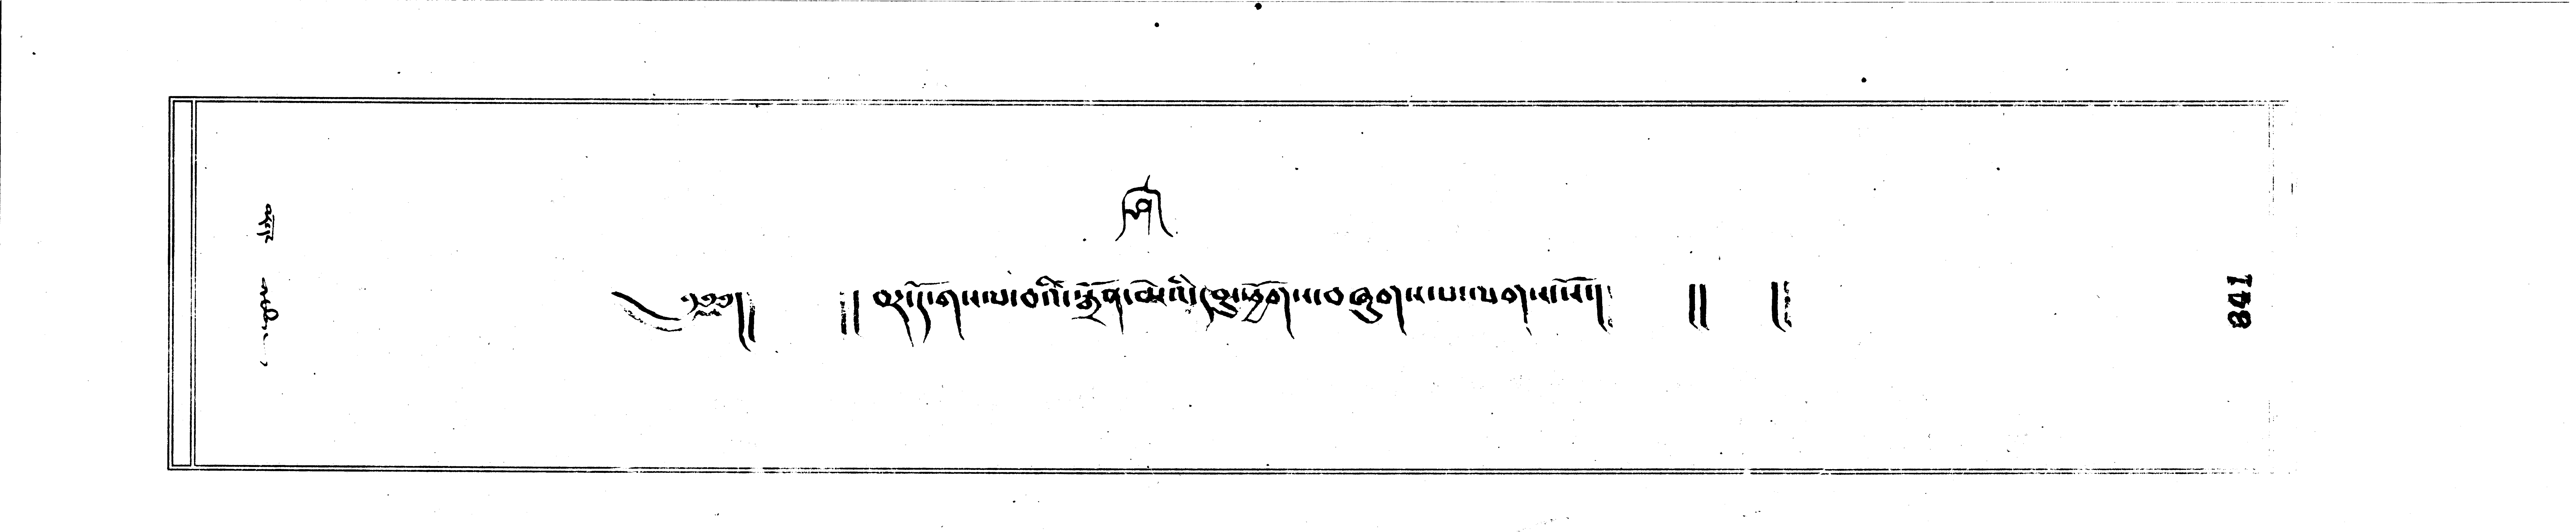།།བར་དོ་གསལ་བའི་སྒྲོན་མེའི་དབུ་ཕྱོགས་བཞུགས་པ་ལགས་སོ།། །།